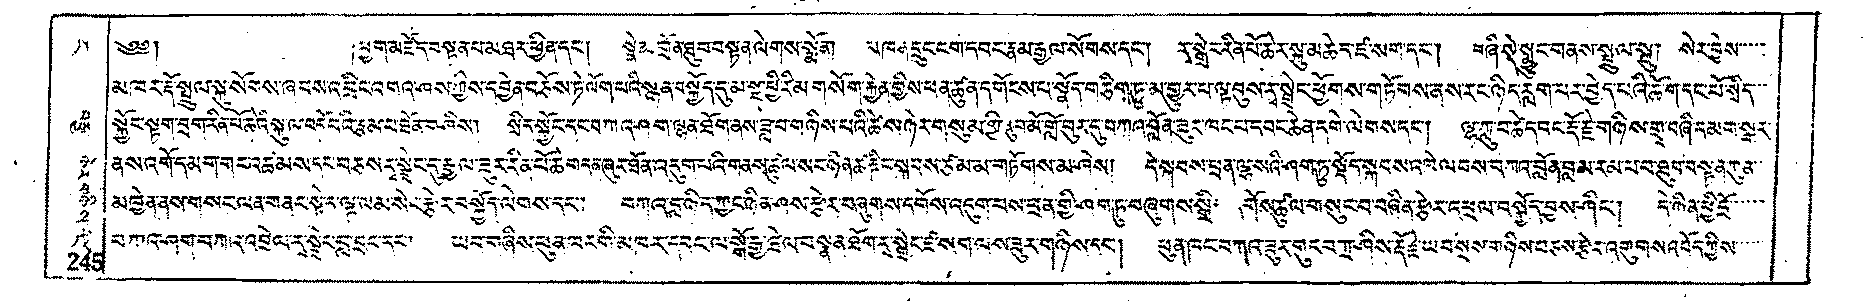༄༅། །ཕྱག་མཛོད་བསྟན་པ་མཐར་ཕྱིན་དང་། སྣེ་མགྲོན་ཐུབ་བསྟན་ལེགས་སྨོན། མཁན་དྲུང་ངག་དབང་རྣམ་རྒྱལ་སོགས་དང་། རྭ་སྒྲེང་རིན་པོ་ཆེར་སྐུ་མཆེད་ཛ་སག་དང་། བཞི་སྡེ་སྨྱུང་གནས་སྤྲུལ་སྐུ། སེར་བྱེས་
མཁར་རྡོ་སྤྲུལ་སྐུ་སོགས་ཞབས་འབྲིང་འགའ་ཤས་ཀྱིས་དབྱེན་བཅོས་ཏེ་ལོག་པའི་སྙན་བསྐྱོད་དུ་མ་སྔ་ཕྱི་རིམ་གསོག་རྐྱེན་གྱིས་ཕན་ཚུན་དགོངས་པ་སྣོད་གཅིག་ཏུ་མ་གྱུར་པ་ལྟ་བུས་རྭ་སྒྲེང་ཕྱོགས་གཏོགས་ནས་རང་ཉིད་རླག་པར་བྱེད་པའི་ཆོ་ག་དང་པོ་སྲིད་
སྐྱོང་སྟག་བྲག་རིན་པོ་ཆེའི་སྐུ་ལ་བདོ་བའི་རྣམ་པ་ཐོན་གཤིས། སྲིད་སྐྱོང་དང་བཀའ་ཤག་ལྷན་ཐོག་ནས་ཟླ་བ་གཉིས་པའི་ཚེས་ཉེར་གསུམ་གྱི་ནུབ་མོ་གློ་བུར་དུ་བཀའ་བློན་ཟུར་ཁང་པ་དབང་ཆེན་དགེ་ལེགས་དང་། ལྷ་ཀླུ་བ་ཚེ་དབང་རྡོ་རྗེ་གཉིས་གྲྭ་བཞི་དམག་སྒར་
ནས་འགོ་དམག་གང་འཚམས་དང་བཅས་རྭ་སྒྲེང་དུ་རྒྱལ་ཟུར་རིན་པོ་ཆེ་གདན་ཞུར་ཐོན་འདུག་པའི་གནས་ཚུལ་སང་ཉིན་ཚ་རྟིང་སྐབས་ཙམ་མ་གཏོགས་མ་ཤེས། དེ་སྐབས་ཕྲན་ལྷ་སའི་ཤག་ཏུ་སྡོད་སྐབས་འཁེལ་བས་བཀའ་བློན་བླ་མ་རམ་པ་བ་ཐུབ་བསྟན་ཀུན་
མཁྱེན་ནས་གསང་ལན་གནང་སྟེ་ད་ལྟ་ལམ་སེང་རྩེར་བསྐྱོད་ལེགས་དང་། བཀའ་བླ་ཉིད་ཀྱང་ཉིན་ཤས་རྩེར་བཞུགས་དགོས་འདུག་པས་ཕྲན་གྱི་ཤག་ཏུ་བཞུགས་སྒྲིབ་?་དགོས་ཚུལ་གསུང་བ་བཞིན་རྩེར་འཕྲལ་བསྐྱོད་བྱས་ཤིང་། དེ་ཉིན་ཕྱི་དྲོ་
བཀའ་ཤག་བཀའ་འབྲེལ་རྭ་སྒྲེང་བླ་བྲང་དང་། ཡབ་གཞིས་ཕུན་ཁང་གི་མཁར་དབང་ལ་སྒོ་རྒྱ་ཐེལ་བསྣན་ཐོག་རྭ་སྒྲེང་ཛ་སག་ལས་ཟུར་གཉིས་དང་། ཕུན་ཁང་བཀའ་ཟུར་གུང་བཀྲ་ཤིས་རྡོ་རྗེ་ཡབ་སྲས་གཉིས་བཅས་རྩེར་འགུགས་འབོད་ཀྱིས་